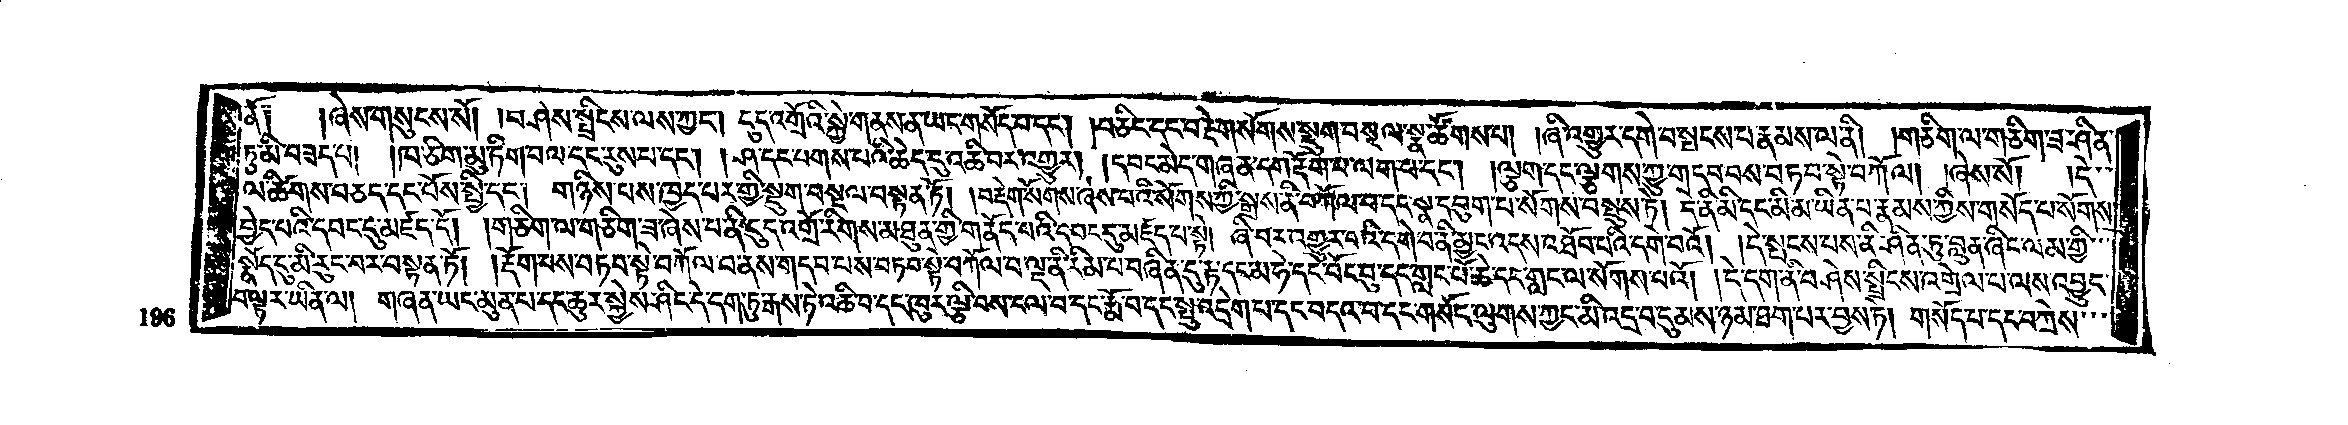ནོ༑ ༑ཞེས་གསུངས་སོ། །བཤེས་སྤྲིངས་ལས་ཀྱང་། དུད་འགྲོའི་སྐྱེ་གནས་ན་ཡང་གསོད་པ་དང་། །བཅིང་དང་བརྡེག་སོགས་སྡུག་བསྔལ་སྣ་ཚོགས་པ། །ཞི་འགྱུར་དགེ་བ་སྤངས་པ་རྣམས་ལ་ནི། །གཅིག་ལ་གཅིག་ཟ་ཤིན་
ཏུ་མི་བཟད་པ། །ཁ་ཅིག་མུ་ཏིག་བལ་དང་རུས་པ་དང་། །ཤ་དང་པགས་པའི་ཆེད་དུ་འཆི་བར་འགྱུར། །དབང་མེད་གཞན་དག་རྡོག་པ་ལག་པ་དང་། །ལྕག་དང་ལྕགས་ཀྱུ་གདབ་པས་བཏབ་སྟེ་བཀོལ། །ཞེས་སོ། །དེ་
ལ་ཚིགས་བཅད་དང་པོས་སྤྱི་དང་། གཉིས་པས་ཁྱད་པར་གྱི་སྡུག་བསྔལ་བསྟན་ཏོ། །བརྡེག་སོགས་ཞེས་པའི་སོགས་ཀྱི་སྒྲས་ནི་བཀོལ་བ་དང་སྣ་དབུག་པ་སོགས་བསྡུས་ཏེ། དེ་ནི་མི་དང་མི་མ་ཡིན་པ་རྣམས་ཀྱིས་གསོད་པ་སོགས་
བྱེད་པའི་དབང་དུ་མཛད་དོ། །གཅིག་ལ་གཅིག་ཟ་ཞེས་པ་ནི་དུད་འགྲོ་རིགས་མཐུན་གྱི་གནོད་པའི་དབང་དུ་མཛད་པ་སྟེ། ཞི་བར་འགྱུར་བའི་དགེ་བ་ནི་མྱང་འདས་འཐོབ་པའི་དགེ་བའོ། །དེ་སྤངས་པས་ནི་ཤིན་ཏུ་བླུན་ཞིང་ལམ་གྱི་
སྣོད་དུ་མི་རུང་བར་བསྟན་ཏོ། །རྡོག་པས་བཏབ་སྟེ་བཀོལ་བ་ནས་གདབ་པས་བཏབ་སྟེ་བཀོལ་བ་ལྔ་ནི་རིམ་པ་བཞིན་དུ་རྟ་དང་མ་ཧེ་དང་བོང་བུ་དང་གླང་པོ་ཆེ་དང་གླང་ལ་སོགས་པའོ། །དེ་དག་ནི་བཤེས་སྤྲིངས་འགྲེལ་པ་ལས་འབྱུང་
བ་ལྟར་ཡིན་ལ། གཞན་ཡང་མུན་པ་དང་ཆུར་སྐྱེས་ཤིང་དེ་དག་ཏུ་རྒས་ཏེ་འཆི་བ་དང་ཁུར་ལྕི་བས་ངལ་བ་དང་རྨོ་བ་དང་སྤུ་འདྲེག་པ་དང་བདའ་བ་དང་གསོད་ལུགས་ཀྱང་མི་འདྲ་བ་དུ་མས་ཉམ་ཐག་པར་བྱས་ཏེ། གསོད་པ་དང་བཀྲེས་